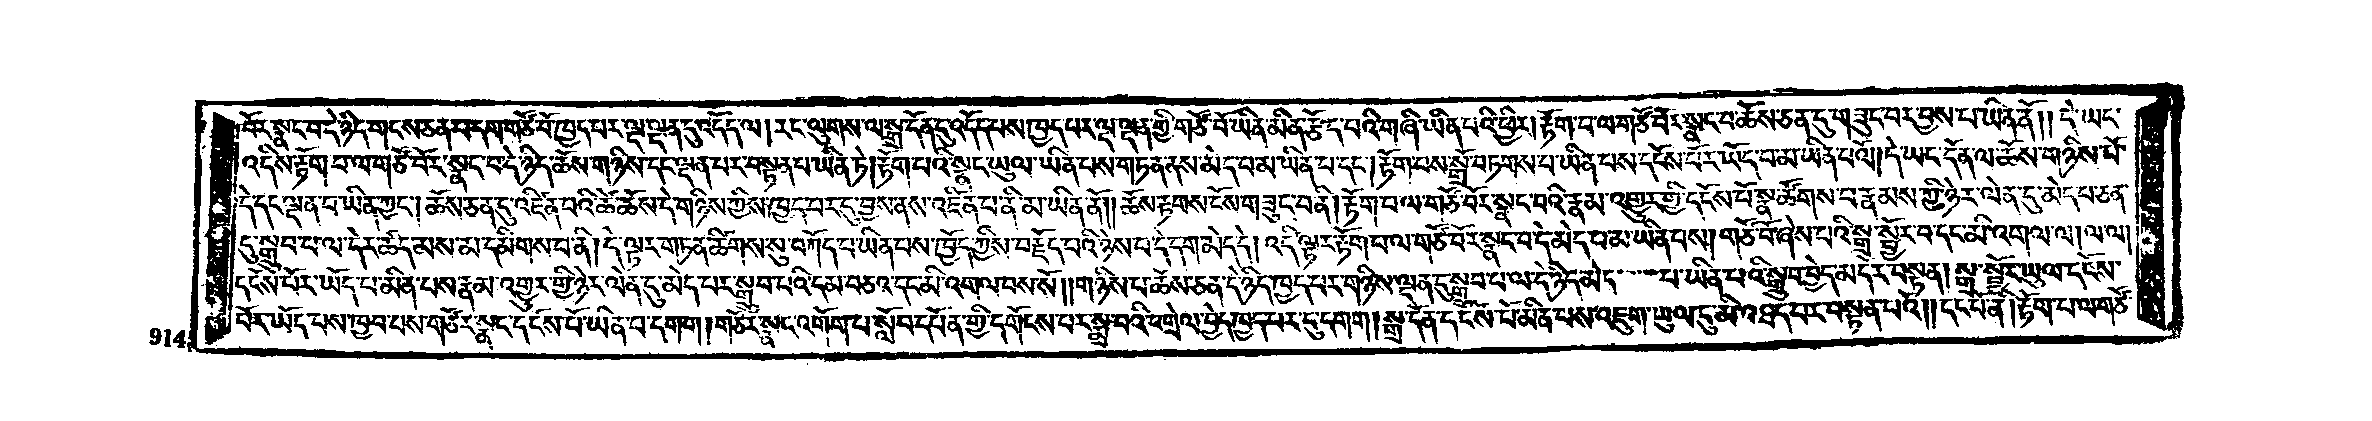བོར་སྣང་བ་དེ་ཉིད་གངས་ཅན་པ་དག་གཙོ་བོ་ཁྱད་པར་ལྔ་ལྡན་དུ་འདོད་ལ། རང་ལུགས་ལ་སྒྲ་དོན་དུ་འདོད་པས་ཁཡད་པར་ལྔ་ལྡན་གྱི་གཙོ་བོ་ཡིན་མིན་རྩོད་པའི་གཞི་ཡིན་པའི་ཕྱིར། རྟོག་པ་ལ་གཙོ་བོར་སྣང་བ་ཆོས་ཅན་དུ་གཟུང་བར་བྱས་པ་ཡིན་ནོ། །དེ་ཡང་
འདིས་རྟོག་པ་ལ་གཙོ་བོར་སྣང་བ་དེ་ཉིད་ཆོས་གཉིས་དང་ལྡན་པར་བསྟན་པ་ཡིན་ཏེ། རྟོག་པའི་སྣང་ཡུལ་ཡིན་པས་གཏན་ནས་མེད་པ་མ་ཡིན་པ་དང་། རྟོག་པས་སྒྲོ་བཏགས་པ་ཡིན་པས་དངོས་པོར་ཡོད་པ་མ་ཡིན་པའོ། །དེ་ཡང་དོན་ལ་ཆོས་གཉིས་པོ་
དེ་དང་ལྡན་པ་ཡིན་ཀྱང་། ཆོས་ཅན་དུ་འཛིན་པའི་ཚེ་ཆོས་དེ་གཉིས་ཀྱིས་ཁྱད་པར་དུ་བྱས་ནས་འཛིན་པ་ནི་མ་ཡིན་ནོ། །ཆོས་རྟགས་ངོས་གཟུང་བ་ནི། རྟོག་པ་ལ་གཙོ་བོར་སྣང་བའི་རྣམ་འགྱུར་གྱི་དངོས་པོ་སྣ་ཚོགས་པ་རྣམས་ཀྱི་ཉེར་ལེན་དུ་མེད་པ་ཅན་
དུ་སྒྲུབ་པ་ལ་དེར་ཚད་མས་མ་དམིགས་པ་ནི། དེ་ལྟར་གཏན་ཚིགས་སུ་བཀོད་པ་ཡིན་པས་ཁྱོད་ཀྱིས་བརྗོད་པའི་ཉེས་པ་དེ་དག་མེད་དེ། འདི་ལྟར་རྟོག་པ་ལ་གཙོ་བོར་སྣང་བ་དེ་མེད་པ་མ་ཡིན་པས། གཟོ་བོ་ཞེས་པའི་སྒྲ་སྦྱོར་བ་དང་མི་འགལ་ལ། ལ་ལ།
དངོས་པོར་ཡོད་པ་མིན་པས་རྣམ་འགྱུར་གྱི་ཉེར་ལེན་དུ་མེད་པར་སྒྲུབ་པའི་དམ་བཅའ་དང་མི་འགལ་བས་སོ། །གཉིས་པ་ཆོས་ཅན་དེ་ཉིད་ཁྱད་པར་གཉིས་ལྡན་དུ་སྒྲུབ་པ་ལ་དེ་ཉིད་མེད་པ་ཡིན་པའི་སྒྲུབ་བྱེད་མདོར་བསྟན། སྒྲ་སྦྱོར་ཡུལ་དངོས་
པོར་ཡོད་པས་ཁྱབ་པས་གཙོར་སྣང་དངོས་པོ་ཡིན་པ་དགག ། གཙོར་སྣང་འགོག་པ་སློབ་དཔོན་གྱི་དགོངས་པར་སྨྲ་བའི་འགྲེལ་བྱེད་ཁྱད་པར་དུ་དགག །སྒྲ་དོན་དངོས་པོ་མིན་པས་འཇུག་ཡུལ་དུ་མི་འཐད་པར་བསྟན་པའོ། །དང་པོ་ནི། རྟོག་པ་ལ་གཙོ་